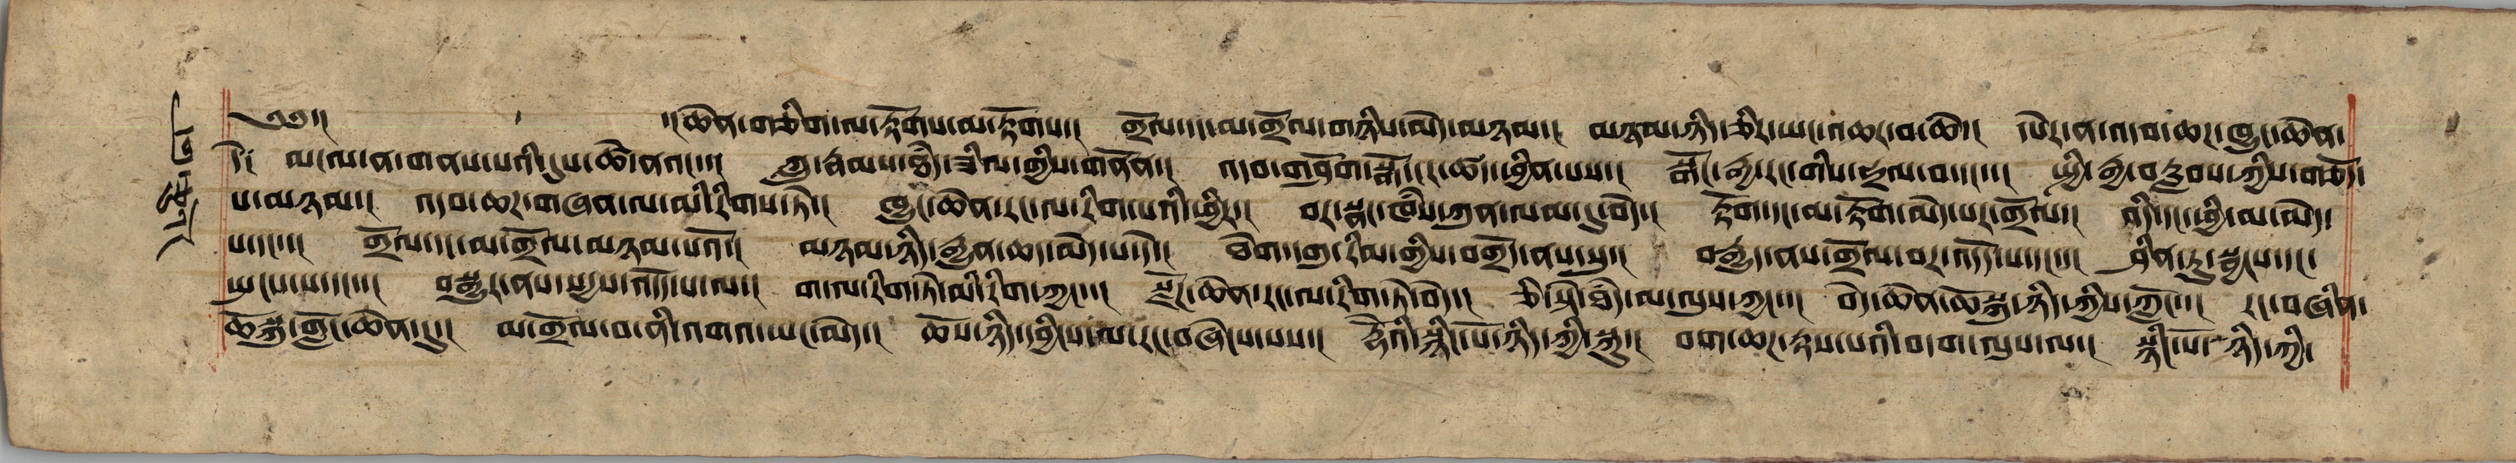༄༅་། ་།ཆེན་གཅིག་ལ་རྟོགས་མ་རྟོགས་། གྲོལ་དང་མ་གྲོལ་གཉིས་མེད་མཉམ་། མཉམ་ཉིད་ཅིར་ཡང་འཆར་བ་ཆེ་། དཔེར་ན་འདབ་ཆཌ་ཁྱུང་ཆེན་
དེ༑ མངལ་ན་གནས་པའི་དུས་ཚེ་ནའང་་། ཀླུ་རྣམས་ཐཾད་ཟིལ་གྱིས་གནོན་། འདབ་གཤོག་སྒོ་ངར་ཚད་ཕྱིན་པས་། སྒོང་རྒྱ་རང་གིས་ཧྲལ་བ་དང་་། སྤྱི་རྒྱ་བརླབས་ཀྱིས་གཅོད་
པ་མཉམ་། འདབ་ཆཌ་གཞན་ལ་མི་རིགས་ཏེ་། ཁྱུང་ཆེན་རང་ལ་རིག་པའི་ཕྱིར་། བར་སྣང་ཁཾས་ཀུན་ལམ་དུ་བདེ་། རྟོག་དང་མ་རྟོག་མེད་པར་གྲོལ་། འདི་དང་ཕྱི་མ་མེད་
པ་དང་་། གྲོལ་དང་མ་གྲོལ་མཉམ་པའོ་། མཉམ་ཉིད་རྒྱུན་ཆད་མེད་པ་དེ་། ཐེག་དགུ་རིམ་གྱིས་བགྲོད་ནས་སུ་། བརྒྱུད་ནས་གྲོལ་བར་འདོད་པ་དང་་། ཤིན་ཏུ་སྦྱངས་དང་
སྤངས་པ་དང་་། བསྒྱུར་ནས་སདྱས་འདོད་པ་ལ་། གང་ལ་རིག་ཏེ་མི་རིག་ཀྱང་་། སྫོཌ་ཆེན་རང་ལ་རིག་ཏེ་བདེ་། ཅི་སྟེ་ཐཾད་མ་ལུས་ཀྱང་་། བདེ་ཆེན་ཆོསྐུ་ཉིད་ཀྱིས་ཀློང་་། རང་བཞིན་
ཆོསྐུ་གློང་ཆེན་དུ་། མ་གྲོལ་བ་ནི་འགའ་ཡང་མེད་། ཆོས་ཉིད་དབྱིངས་ལ་རང་བཞེངས་པས་། རྡོེའི་སྙིང་པོ་ཉིད་ཀྱི་སྐུ་། བག་ཆཌ་རྟས་པའི་བདག་ལུས་ལ་། སྙིང་པོ་ཉིད་ཀྱི་